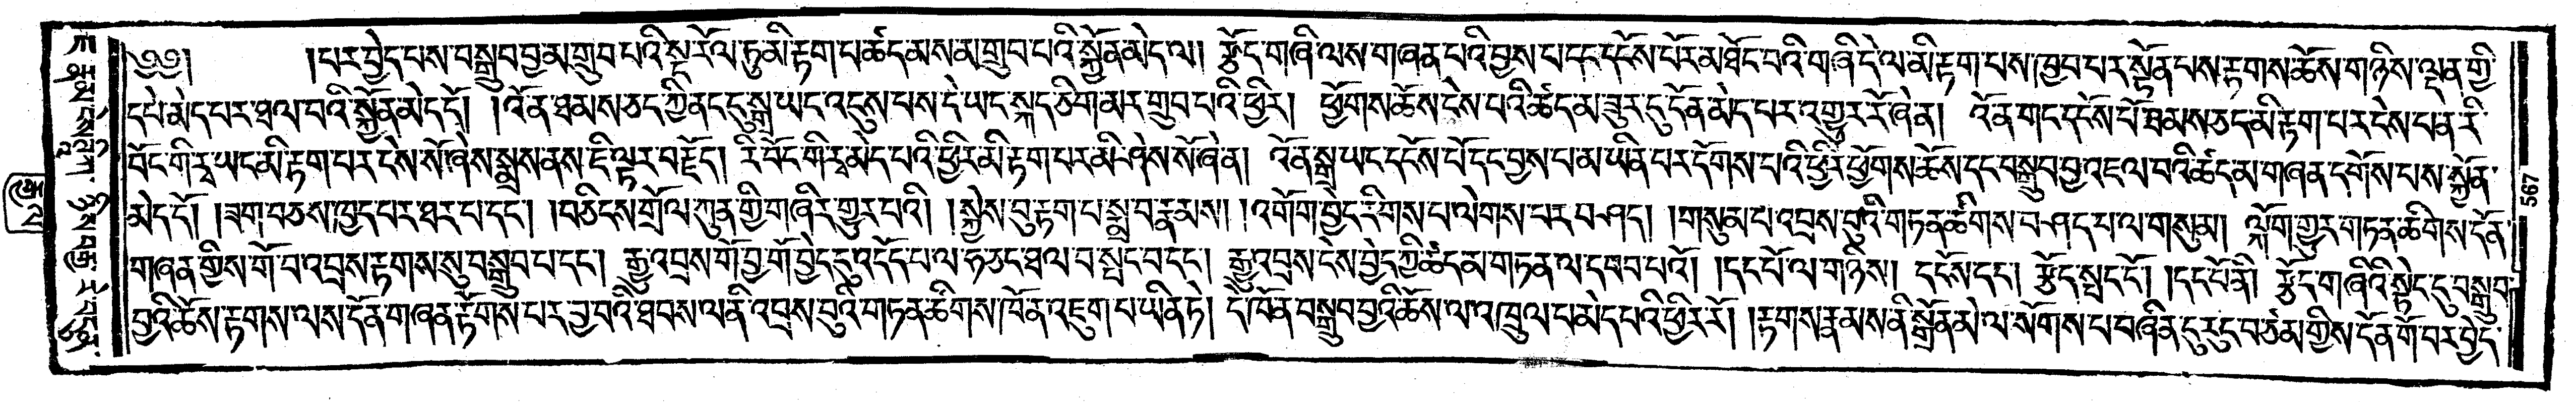༄༅། །པར་བྱེད་པས་བསྒྲུབ་བྱ་མ་གྲུབ་པའི་སྔ་རོལ་ཏུ་མི་རྟག་པ་ཚད་མས་མ་གྲུབ་པའི་སྐྱོན་མེད་ལ། རྩོད་གཞི་ལས་གཞན་པའི་བྱས་པ་དང་དངོས་པོར་མཐོང་བའི་གཞི་དེ་ལ་མི་རྟག་པས་ཁྱབ་པར་སྟོན་པས་རྟགས་ཆོས་གཉིས་ལྡན་གྱི་
དཔེ་མེད་པར་ཐལ་བའི་སྐྱོན་མེད་དོ། །འོ་ན་ཐམས་ཅད་ཀྱི་ནང་དུ་སྒྲ་ཡང་འདུས་པས་དེ་ཡང་སྐད་ཅིག་མར་གྲུབ་པའི་ཕྱིར། ཕྱོགས་ཆོས་ངེས་པའི་ཚད་མ་ཟུར་དུ་དོན་མེད་པར་འགྱུར་རོ་ཞེ་ན། འོ་ན་གང་དངོས་པོ་ཐམས་ཅད་མི་རྟག་པར་ངེས་པ་ན་རི་
བོང་གི་རྭ་ཡང་མི་རྟག་པར་ངེས་སོ་ཞེས་སྨྲས་ནས་ཇི་ལྟར་བརྗོད། རི་བོང་གི་རྭ་མེད་པའི་ཕྱིར་མི་རྟག་པར་མི་ཤེས་སོ་ཞེ་ན། འོ་ན་སྒྲ་ཡང་དངོས་པོ་དང་བྱས་པ་མ་ཡིན་པར་དོགས་པའི་ཕྱིར་ཕྱོགས་ཆོས་དང་བསྒྲུབ་བྱ་འཇལ་བའི་ཚད་མ་གཞན་དགོས་པས་སྐྱོན་
མེད་དོ། །ཟག་བཅས་ཁྱད་པར་ཐར་པ་དང་། །བཅིངས་གྲོལ་ཀུན་གྱི་གཞིར་གྱུར་པའི། །སྐྱེས་བུ་རྟག་པ་སྨྲ་བ་རྣམས། །འགོག་བྱེད་རིགས་པ་ལེགས་པར་བཤད། །གསུམ་པ་འབྲས་བུའི་གཏན་ཚིགས་བཤད་པ་ལ་གསུམ། ལྐོག་གྱུར་གཏན་ཚིགས་དོན་
གཞན་གྱིས་གོ་བ་འབྲས་རྟགས་སུ་བསྒྲུབ་པ་དང་། རྒྱུ་འབྲས་གོ་བྱ་གོ་བྱེད་དུ་འདོད་པ་ལ་ཧ་ཅང་ཐལ་བ་སྤང་བ་དང་། རྒྱུ་འབྲས་ངེས་བྱེད་ཀྱི་ཚད་མ་གཏན་ལ་དབབ་པའོ། །དང་པོ་ལ་གཉིས། དངོས་དང་། རྩོད་སྤང་ངོ། །དང་པོ་ནི། རྩོད་གཞིའི་སྟེང་དུ་བསྒྲུབ་
བྱའི་ཆོས་རྟགས་ལས་དོན་གཞན་རྟོགས་པར་བྱ་བའི་ཐབས་ལ་ནི་འབྲས་བུའི་གཏན་ཚིགས་ཁོ་ན་འཇུག་པ་ཡིན་ཏེ། དེ་ཁོ་ན་བསྒྲུབ་བྱའི་ཆོས་ལ་འཁྲུལ་པ་མེད་པའི་ཕྱིར་རོ། །རྟགས་རྣམས་ནི་སྒྲོན་མེ་ལ་སོགས་པ་བཞིན་དུ་རུང་བ་ཙམ་གྱིས་དོན་གོ་བར་བྱེད་